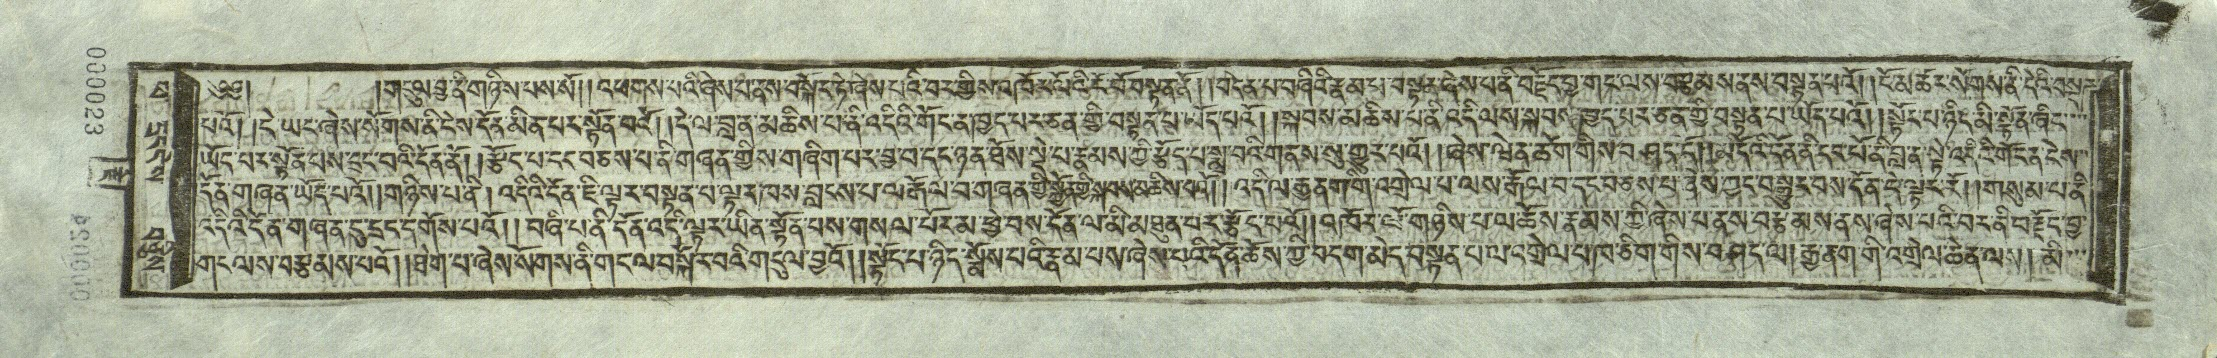༄༅། །གདུལ་བྱ་ནི་གཉིས་པས་སོ། །འཕགས་པའི་ཞེས་པ་ནས་བསྐོར་ཏེ་ཞེས་པའི་བར་གྱིས་འཁོར་ལོའི་ངོ་བོ་བསྟན་ནོ། །བདེན་པ་བཞིའི་རྣམ་པ་བསྟན་ཞེས་པ་ནི་བརྗོད་བྱ་གང་ལས་བརྩམས་ནས་བསྟན་པའོ། །ངོ་མཚར་སོགས་ནི་དེའི་བསྔགས་
པའོ། །དེ་ཡང་ཞེས་སོགས་ནི་ངེས་དོན་མིན་པར་སྟོན་པའོ། །དེ་ལ་བླ་ན་མཆིས་པ་ནི་འདིའི་གོང་ན་ཁྱད་པར་ཅན་གྱི་བསྟན་པ་ཡོད་པའོ། །སྐབས་མཆིས་པ་ནི་འདི་ལས་སྐབས་ཁྱད་པར་ཅན་གྱི་བསྟན་པ་ཡོད་པའོ། །སྟོང་པ་ཉིད་མི་སྟོན་ཞིང་
ཡོད་པར་སྟོན་པས་དྲང་བའི་དོན་ནོ། །རྩོད་པ་དང་བཅས་པ་ནི་གཞན་གྱིས་གཞིག་པར་བྱ་བ་དང་ཉན་ཐོས་སྡེ་བ་རྣམས་ཀྱི་རྩོད་པ་སྨྲ་བའི་གནས་སུ་གྱུར་པའོ། །ཞེས་ཝེན་ཚེག་གིས་བཤད་དོ། །མདོའི་དོན་ནི་དང་པོ་ནི་བླ་ན་སྟེ་འདིའི་གོང་ན་ངེས་
དོན་གཞན་ཡོད་པའོ། །གཉིས་པ་ནི། འདིའི་དོན་ཇི་ལྟར་བསྟན་པ་ལྟར་ཁས་བླངས་པ་ལ་རྒོལ་བ་གཞན་གྱི་སྐྱོན་གྱི་སྐབས་མཆིས་པའོ། །འདི་ལ་རྒྱ་ནག་གི་འགྲེལ་པ་ལས་རྒོལ་བ་དང་བཅས་པ་ཞེས་ཀྱང་བསྒྱུར་བས་དོན་དེ་ལྟར་རོ། །གསུམ་པ་ནི་
འདིའི་དོན་གཞན་དུ་དྲང་དགོས་པའོ། །བཞི་པ་ནི་དོན་འདི་ལྟར་ཡིན་སྟོན་པས་གསལ་པོར་མ་ཕྱེ་བས་དོན་ལ་མི་མཐུན་པར་རྩོད་པའོ། །འཁོར་ལོ་གཉིས་པ་ལ་ཆོས་རྣམས་ཀྱི་ཞེས་པ་ནས་བརྩམས་ནས་ཞེས་པའི་བར་ནི་བརྗོད་བྱ་
གང་ལས་བརྩམས་པའོ། །ཐེག་པ་ཞེས་སོགས་ནི་གང་ལ་བསྐོར་བའི་གདུལ་བྱའོ། །སྟོང་པ་ཉིད་སྨོས་པའི་རྣམ་པས་ཞེས་པའི་དོན་ཆོས་ཀྱི་བདག་མེད་བསྟན་པ་ལ་འགྲེལ་པ་ཁ་ཅིག་གིས་བཤད་ལ། རྒྱ་ནག་གི་འགྲེལ་ཆེན་ལས། མི་